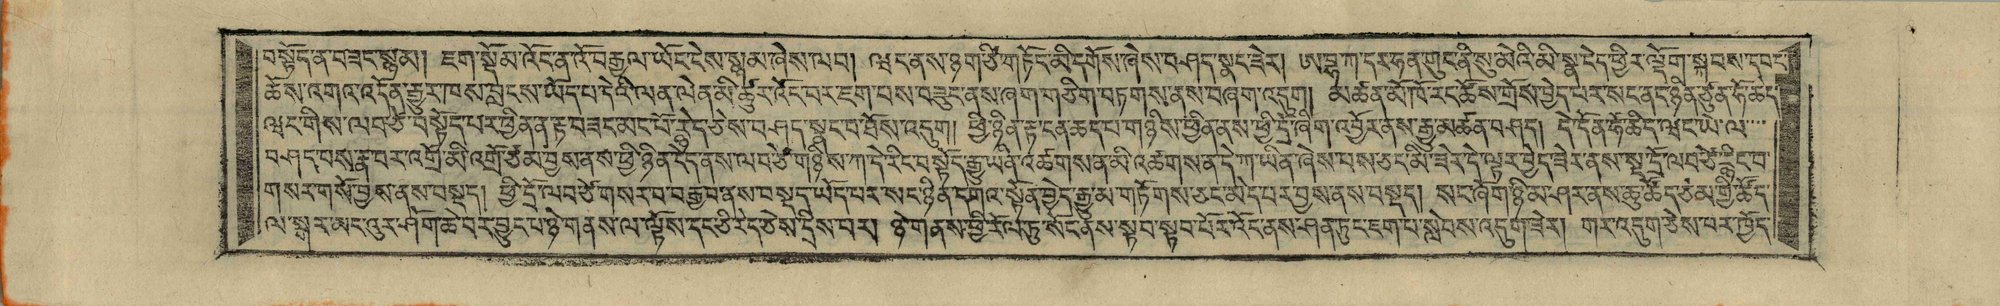བསྟོད་ན་བཟང་སྙམ། ཇག་སྡོམ་འོང་ན་འོ་བརྒྱལ་ཡོང་ངེས་སྙམ་ཞེས་ལབ། ཝང་ནས་ཉག་ཙི་གཏོང་མི་དགོས་ཞེས་བཤད་སྣང་ཟེར། ཨ་བྷ་ཀ་དར་ཧན་གུང་ནི་སུ་མེའི་མི་སྣ་ངེད་ཕྱིར་ལྡོག་སྐབས་དབང་
ཆོས་འགའ་འདོན་རྒྱུར་ཁས་བླངས་ཡོད་པ་དེའི་ལན་ལེན་མི་ཚུར་འོང་བར་ཇག་པས་བཟུང་ནས་ཞག་གཅིག་བཏགས་ནས་བཞག་འདུག །མཚན་མོ་ཁོ་རང་ཚོས་གྲོས་བྱེད་པར་སང་ནང་ཉིན་ཙུན་ཧོ་ཆད་
ཝང་གིས་ལབ་ཙེ་བསྟོད་པར་ཕྱིན་ན་རྟ་བཟང་མང་པོ་རྙེད་ཅེས་བཤད་སྣང་བ་ཐོས་འདུག །ཕྱི་ཉིན་རྟ་ངན་ཆད་པ་གཉིས་ཕྱིན་ནས་ཕྱི་དྲོ་ཞིག་འབྱོར་ནས་རྒྱུ་མཚན་བཤད། དེ་དོན་ཧོ་ཆིད་ཝང་ཡེ་ལ་
བཤད་པས་རྣ་བར་འགྲོ་མི་འགྲོ་ཙམ་བྱས་ནས་ཕྱི་ཉིན་ངེད་ནས་ལབ་ཙེ་གཉིས་ཀ་དེ་རིང་བསྟོད་རྒྱུ་ཡིན་འཚགས་ན་མི་འཚགས་ན་དེ་ཀ་ཡིན་ཞེས་པས་ཅང་མི་ཟེར་དེ་ལྟར་བྱེད་ཟེར་ནས་སྔ་དྲོ་ལབ་ཙེ་རྙིང་བ་
གསར་གསོ་བྱས་ནས་བསྡད། ཕྱི་དྲོ་ལབ་ཙེ་གསར་བ་བརྒྱབ་ནས་བསྡད་ཡོད་པར་སང་ཉིན་དགའ་སྟོན་བྱེད་རྒྱུ་མ་གཏོགས་ཅང་མེད་པར་བྱས་ནས་བསྡད། སང་ཞོག་ཉི་མ་ཤར་ནས་ཆུ་ཚོད་ཙམ་གྱི་ཚོད་
ལ་སྒར་མང་འུར་ཤོག་ཆེ་བར་བྱུང་བ་ཉེ་གནས་ལ་ལྟོས་དང་ཅི་རེད་ཅེས་དྲིས་པར། ཉེ་གནས་ཕྱི་རོལ་ཏུ་སོང་ནས་སྟབ་སྟབ་པོར་འོང་ནས་ཤན་ཏུང་ཇག་པ་སླེབས་འདུག་ཟེར། གར་འདུག་ཅེས་པར་ཁྱོད་